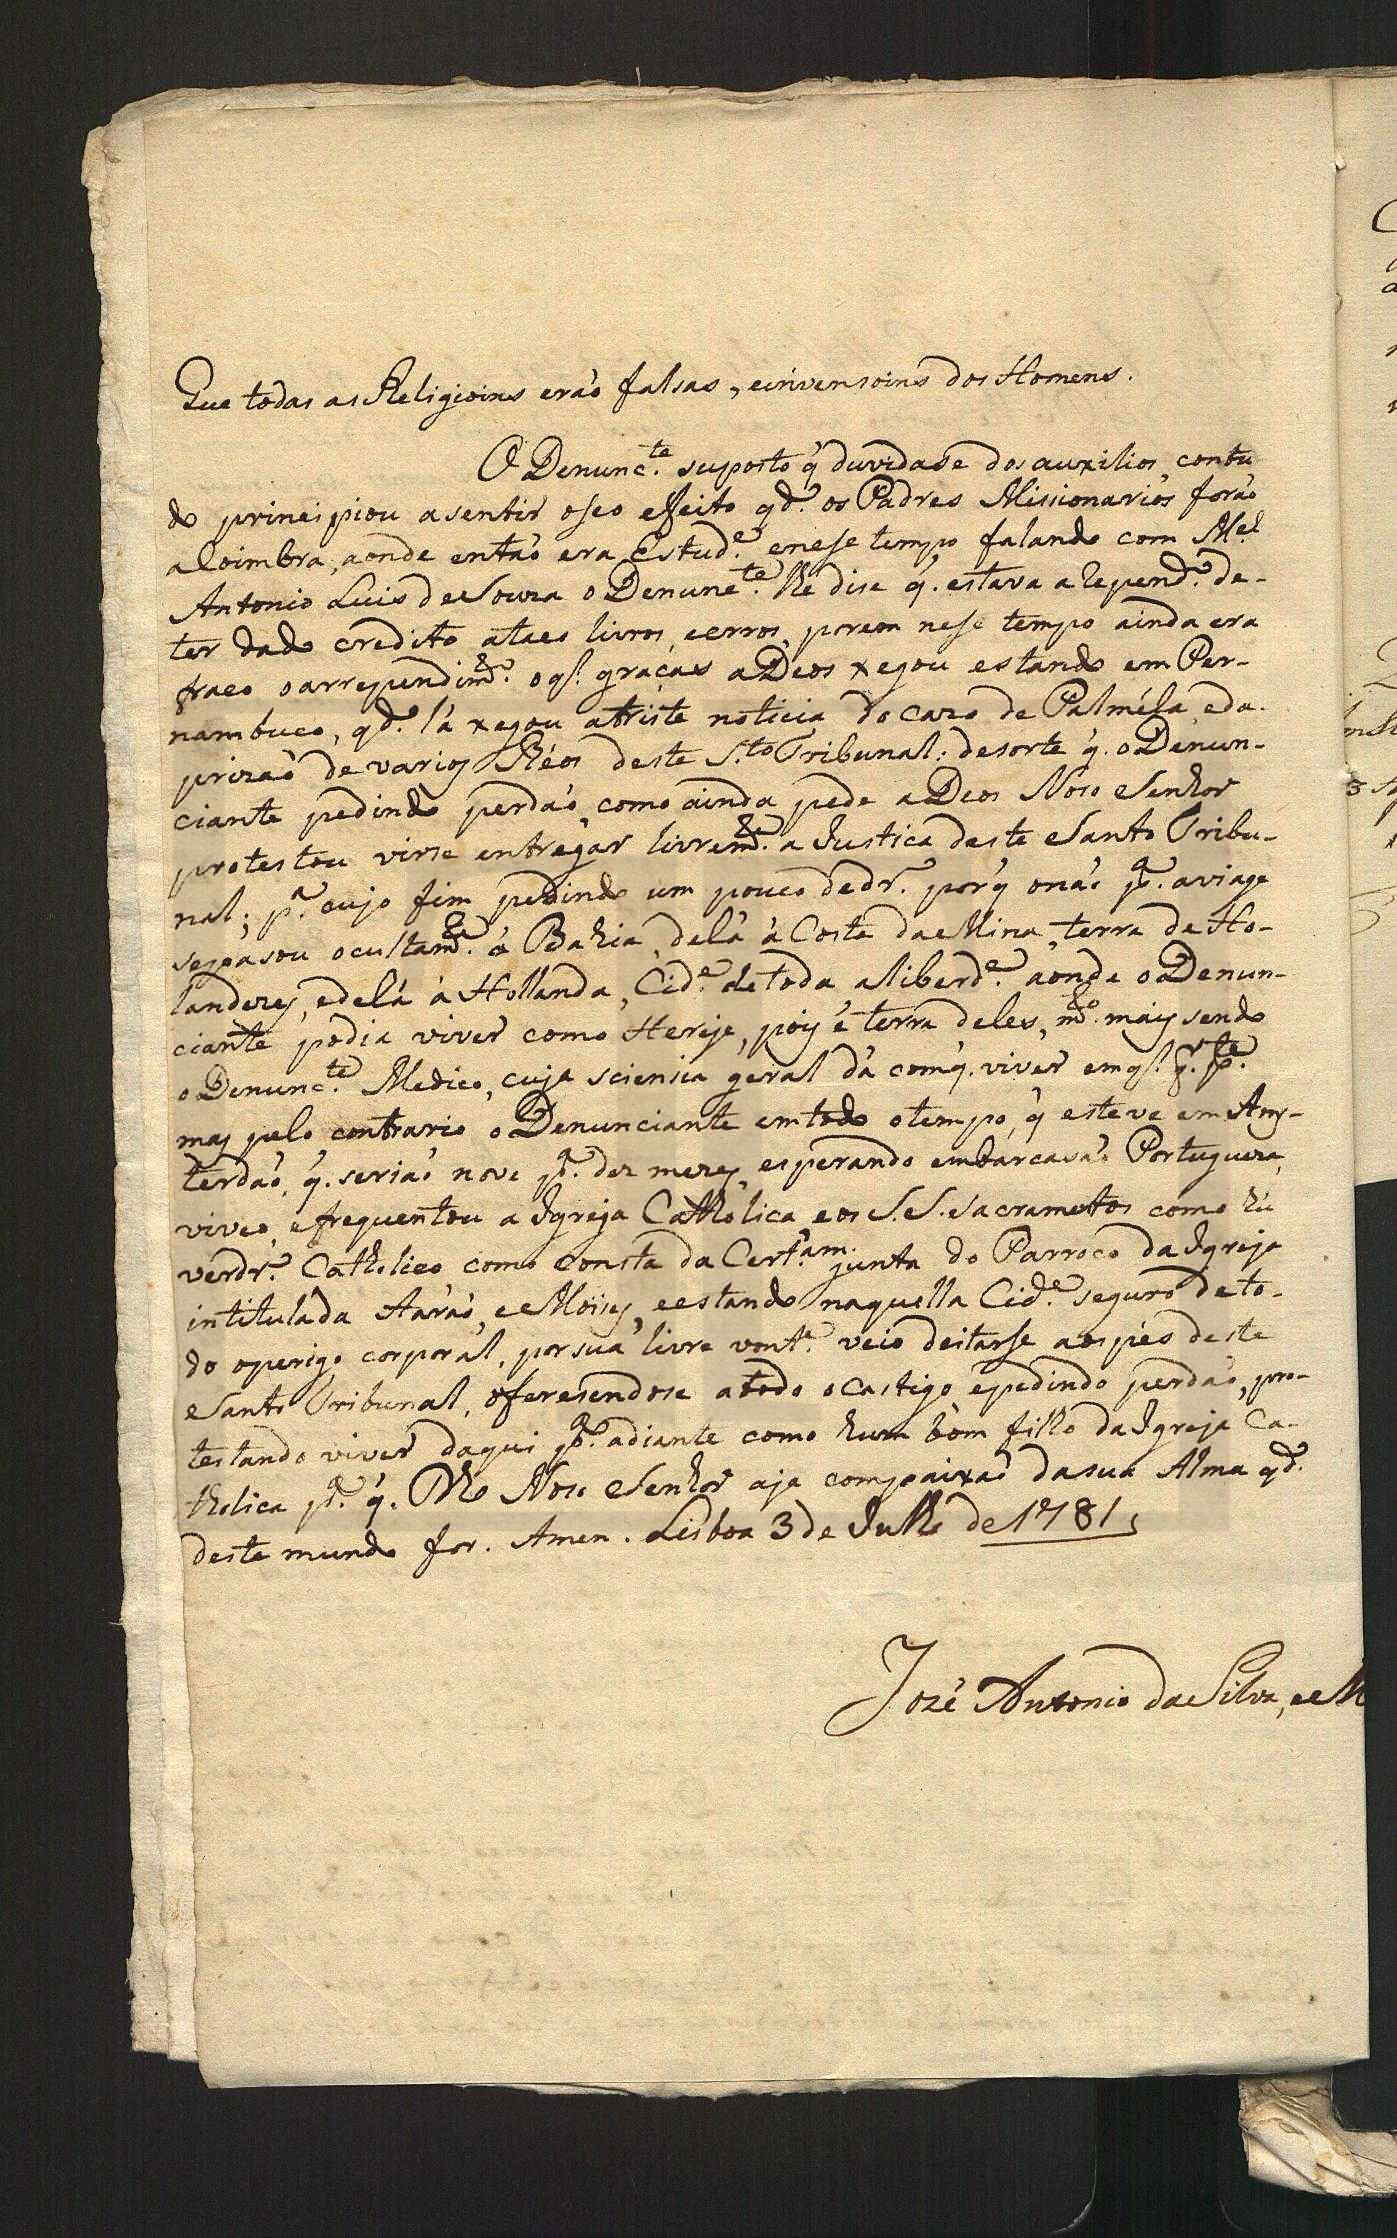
Que todas as Religioins eraõ falsas, e invensoins dos Homens.
O Denunc.te suposto q̄ duvidase dos auxilios, contu
do principiou a sentir o seo effeito q.do os Padres Missionarios foraõ
a Coimbra, aonde entaõ era Estud.e e nese tempo falando com M.el
Antonio Luis de Souza o Denunc.te lhe dise q̄ estava aRepend.o de
ter dado credito a taes livros, e erros, porem nese tempo ainda era
fraco o arrependim.to o q̄ graças a Deos xegou estando em Per
nambuco, qd.o lá xegou a triste noticia do cazo de Palméla, e da
prizaõ de varios Réos deste S.to Tribunal: de sorte q̄ o Denun
ciante pedindo perdaõ, como ainda pede a Deos Noso Senhor
protestou virse entregar livrem.te a Iustiça deste Santo Tribu
nal; p.a cujo fim pedindo um pouco de d.to porq̄ o naõ p.a a viage
se pasou ocultam.te à Bahia de lá à Costa da Mina, terra de Ho
landezes, e de lá à Hollanda Cid.e de toda a liberd.e, aonde o Denun
ciante podia viver como Hereje, pois é terra deles, m.to mais sendo
o Denunc.te Medico, cuja sciensia geral dá com q̄ viver em ql.q.r p.te
mas pelo contrario o Denunciante em todo o tempo, q̄ esteve em Ams
terdaõ, q̄ seriaõ nove p.a dez mezes, esperando embarcasaõ Portugueza
viveo, e frequentou a Igreja Catholica, e os S.S. Sacramentos como hū
verdr.o Catholico, como consta da Cert.am junta do Parroco da Igreja
intitulada Aaraõ e Moises, e estando naquella Cid.e seguro de to
do o perigo corporal, por sua livre vont.e veio deitarse aos pés deste
Santo Tribunal, oferesendose a todo o castigo, e pedindo perdaõ, pro
testando viver daqui p.a adiante como hum bom filho da Igreja Ca
tholica p.a q̄ D̄ Noso Senhor aja com paixaõ da sua Alma qd.o
deste mundo for. Amen. Lisboa 3 de Iulho de 1781
Jozé Antonio da Silva, e
